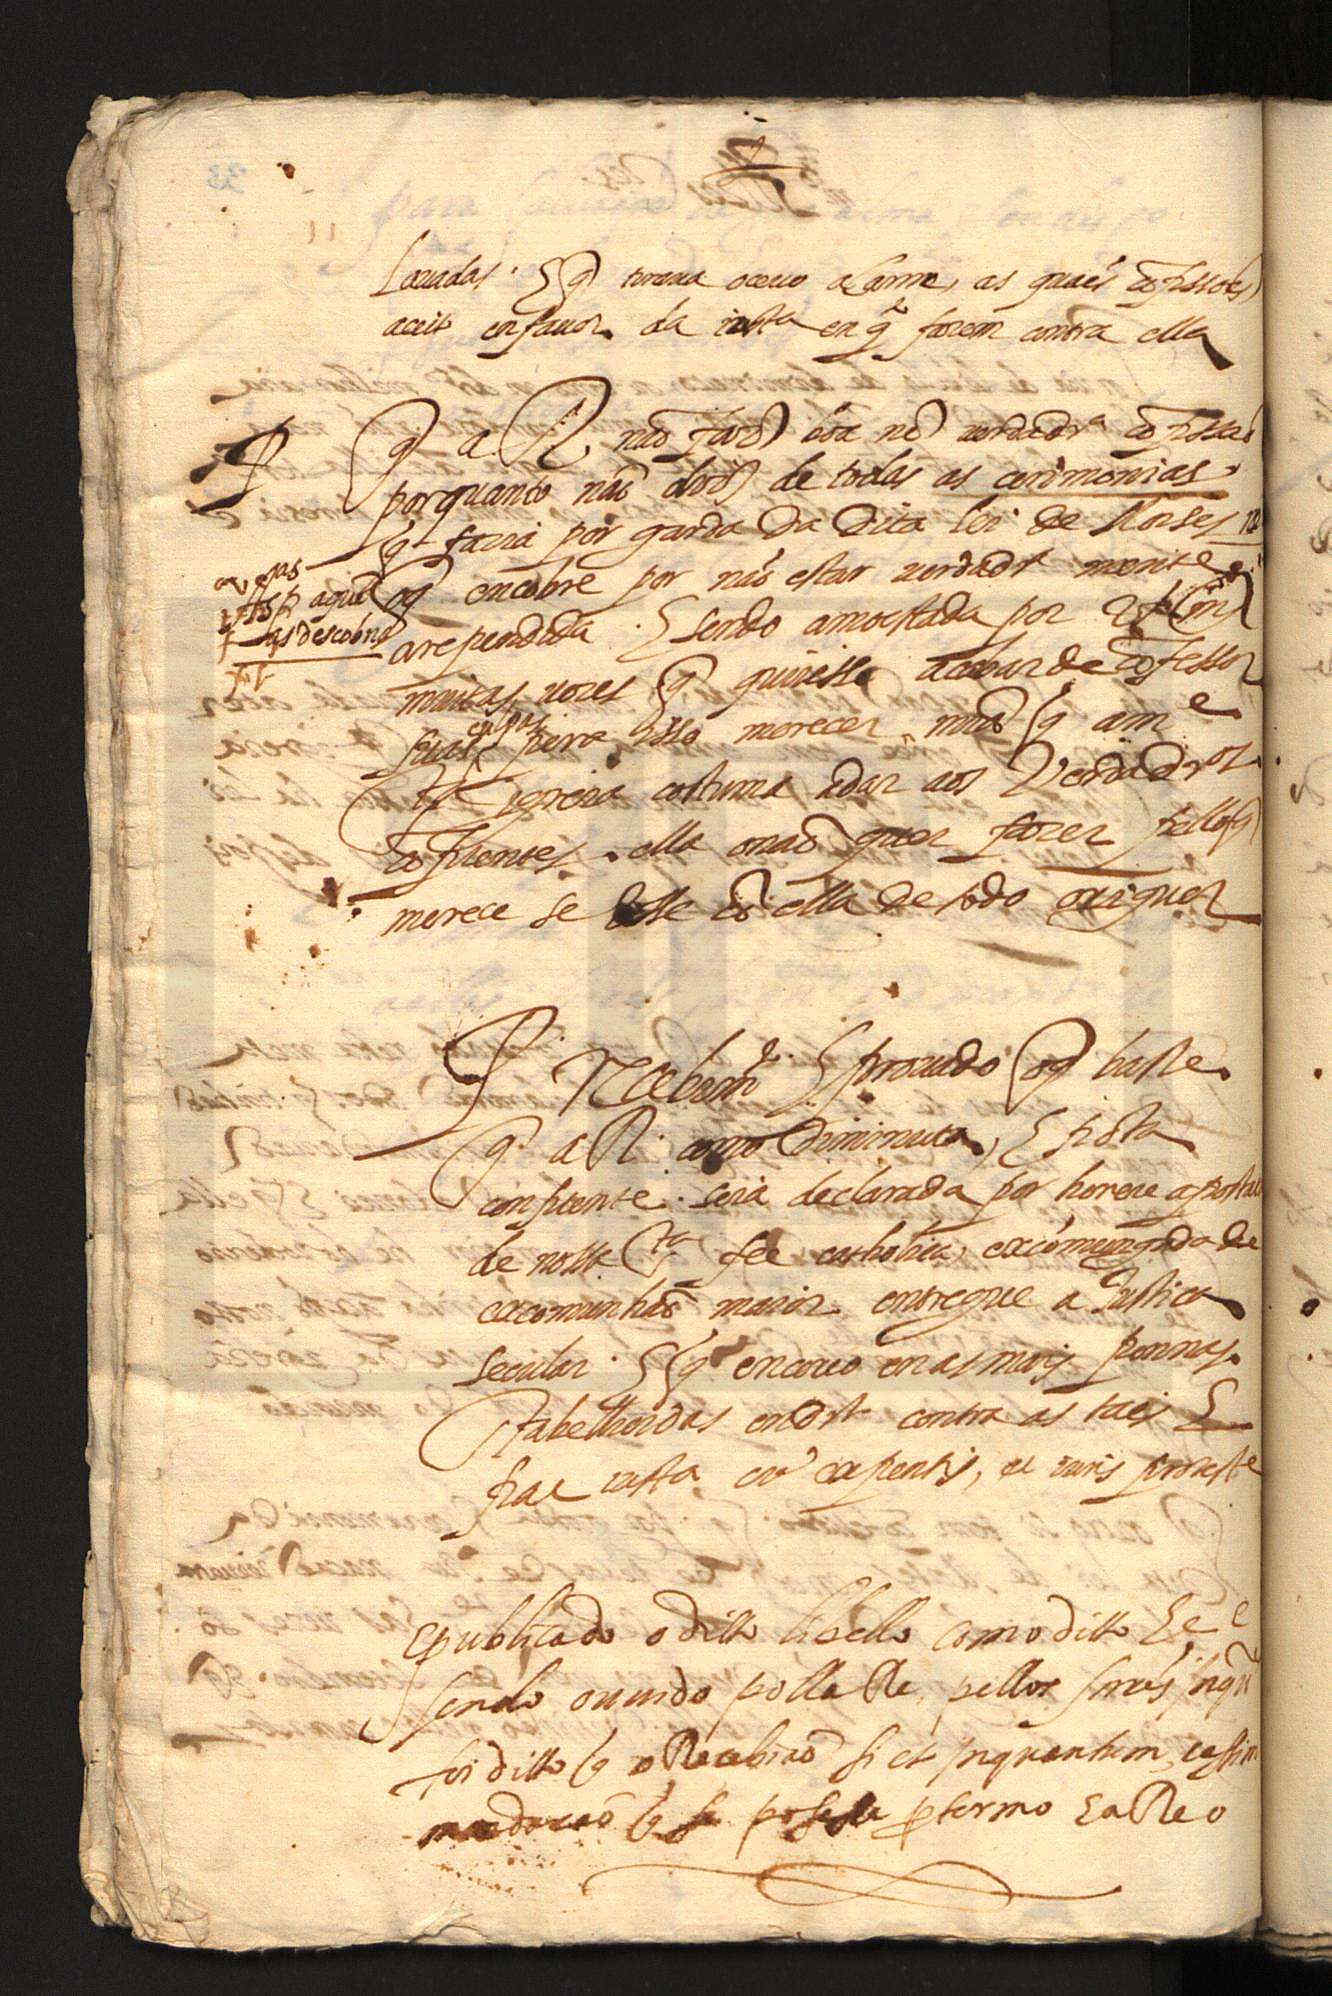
Lauadas. E q̄ tiraua o ceuo a Carne, as quaes̄ cōfissoẽs
aceito en fauor da iusta en qto fazem contra ella
P q̄ a R naõ faz boa nē uerdadra cōfissaõ
porquanto não diz̄ de todas as cerimonias
q̄ fazia por garda da dita lei de Moises
o q̄ encobre por naõ estar uerdadramente
arependida. E sendo amoestada por Vs̄ ms̄
muitas uezes q̄ quizesse acabar de cōfessar
suas
culpas
pera isso merecer miā q̄ a me
sta igreia costuma a dar aos Verdadroz
cōfitentes ella o naõ quer fazer pello q̄
merece se Vsse cō ella de todo o riguor
P recebimto. E prouado o q̄ baste
q̄ a R. como diminuta, E ficta
confitente seia declarada por hereie apostat
de nossa sta fee catholica, excōmungada de
excomunhaõ maior entregue a Iustica
secular. E q̄ encoreo en as mais pennas
stabellecidas en drto contra as taes E
fiat iusta cū expensis, et iuris proteste
E publicado o ditto libello como ditto he e
sendo ouuido polla Re pellos snres̄ Jnqure
foi ditto q̄ o Recebiaõ si et jn quantum, e assim
mandaraõ q̄ se posesse ꝓ termo E a Re o
As pas a quē
as descobrio
